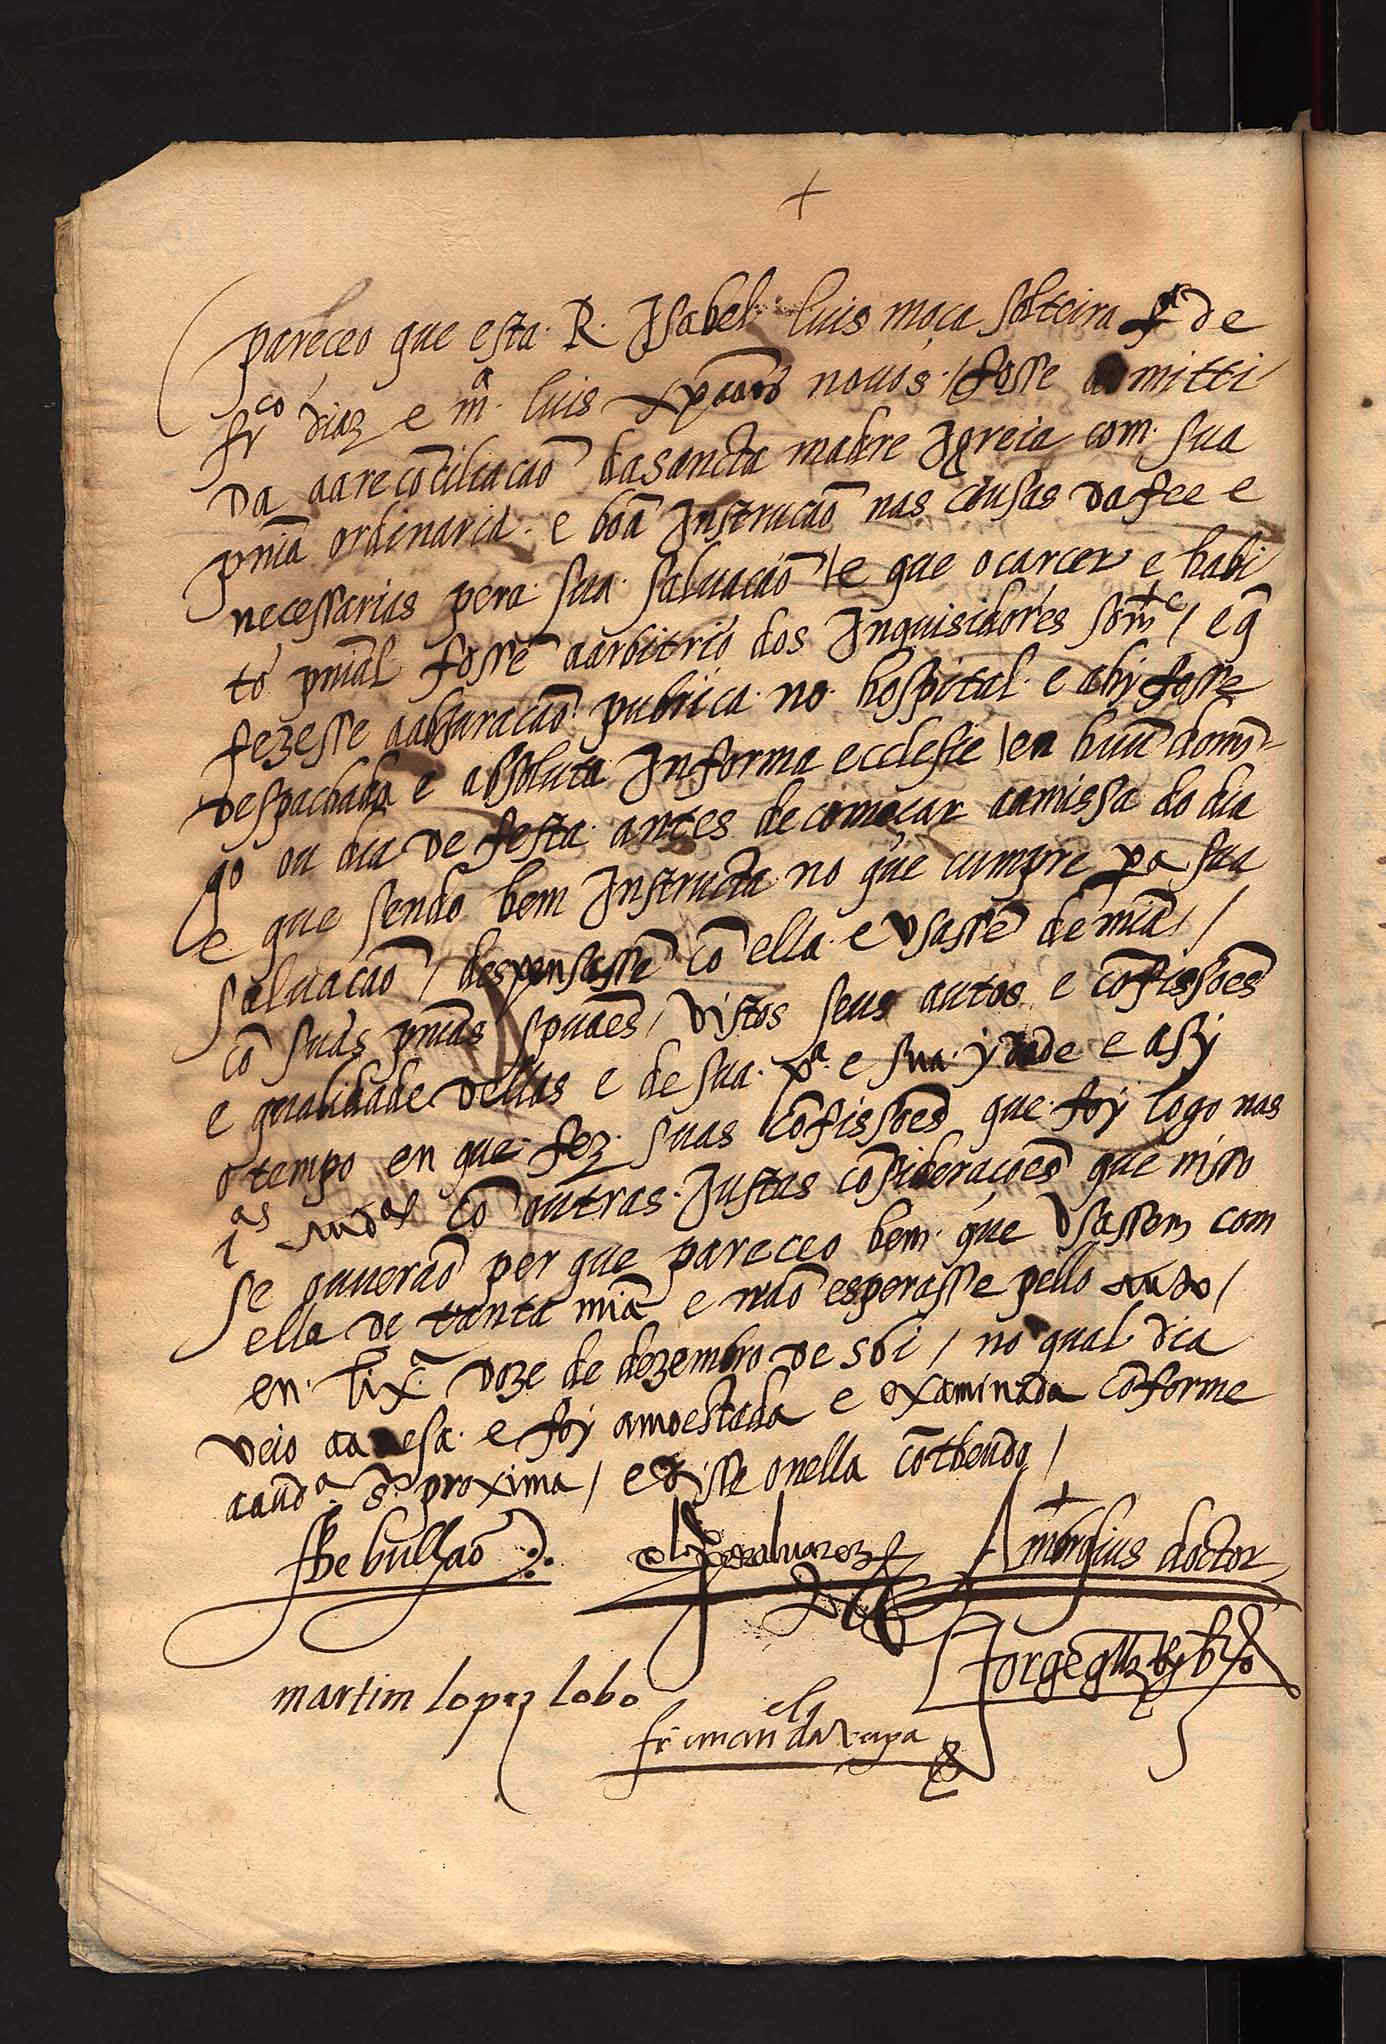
pareceo que esta R. Isabel luis moça solteira fa de
frco diaz e ma. luis xp̄aos nouos ./. fosse admitti
Da aa recōciliaçaõ da sancta madre Igreia com sua
pn̄ia ordinaria e bōa Jnstrução nas cousas da fee e
necessarias pera sua saluaçaõ te que o carcer e habi
to pn̄ial fossē a arbitrio dos Jnquisidores somte / e q̄
fezesse a abjuração pubrica no hospitaL e ahy fosse
despachada e absoluta Jn forma ecclesie / en hūu domī
go ou dia de festa antes de começar aa missa do dia
e que sendo bem Jnstructa no que cumpre ꝑa sua
saluação / despensassē cō ella e vsassē de mīa /
cō suas pn̄ias spūaes / vistos seus autos e cōfissões
e qualidade Dellas e de sua pa e sua ydade e asy
o tempo en que fez suas cōfissões que foy logo nas
1as audas cō outras Justas cōsiderações que nisso
se ouuerão per que pareceo bem que vsassem com
ella de tanta mīa e naõ esperasse pello auto /
en lixa Doze de dezembro de 56i / no quaL dia
veio aa mesa e foy amoestada e examinada cōforme
a auda. s̄. proxima / e disse o nella cōtheudo /
Ldo pedraluarez
Ambrosius doctor
bulhaõ
Jorge ḡllz Rybro
martim Lopez Lobo
fr̄ emanel da veiga
